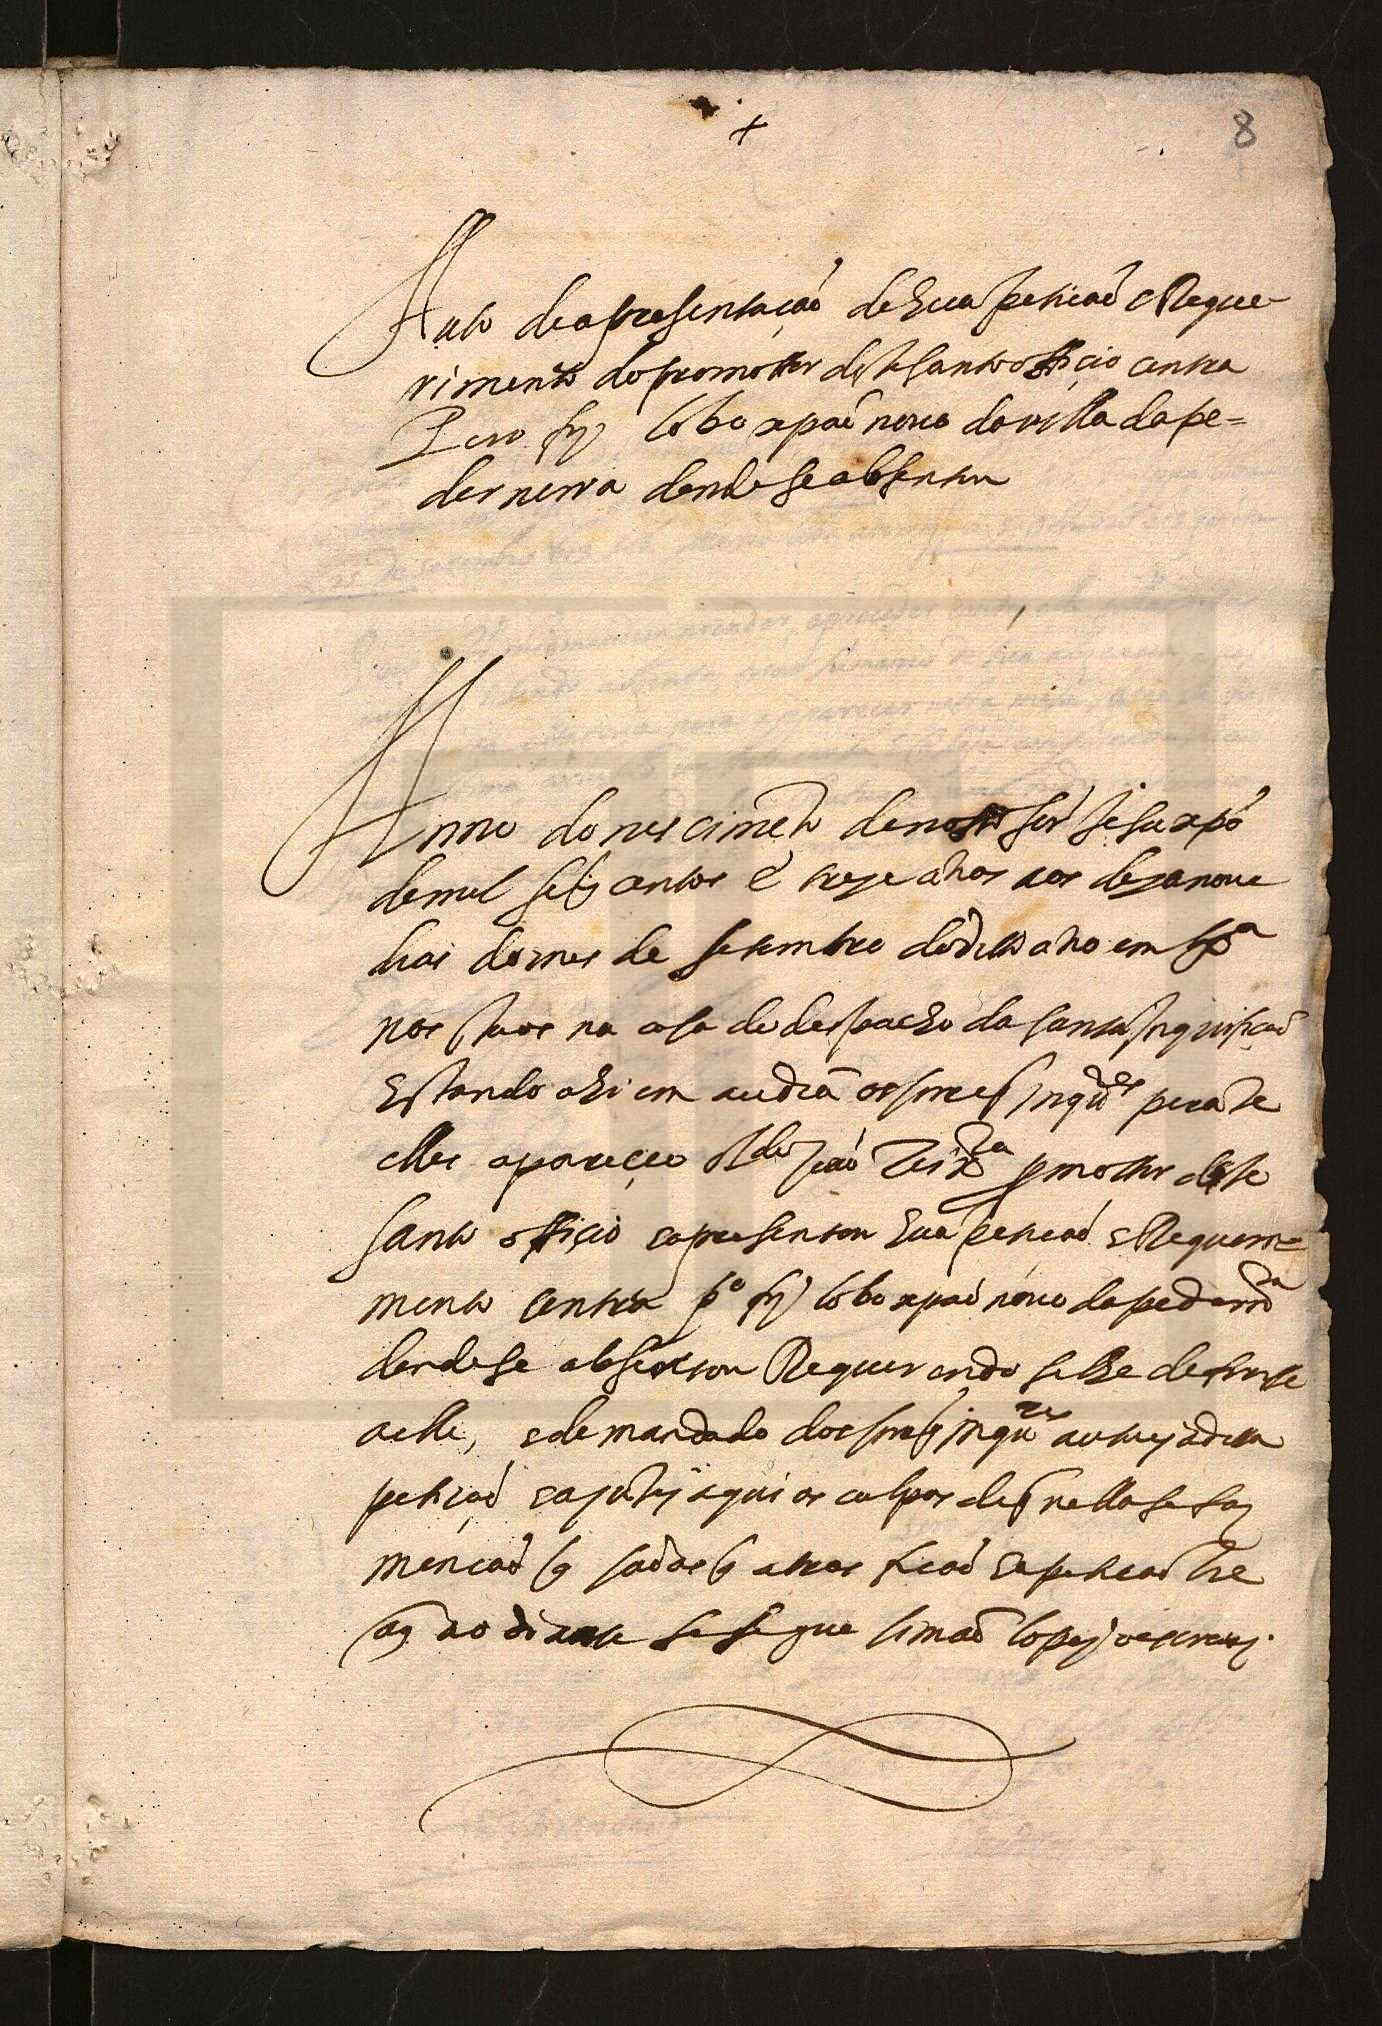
Auto de apresentaçaõ de hua petiçaõ e Reque
rimento do promottor deste santo officio contra
Pero frz̄ lobo xpaõ nouo da villa da pe
derneira donde se absentou
Anno do nascimēto de nosso sor̄ Jesu xpō
de mil seiscentos e treze an̄os aos dezanoue
dias do mes de setembro do ditto ano em lxa
nos staos na casa de despacho da santa Jnquisiçaõ
Estando ahi em audiā os snres̄ jnqures perāte
elles apareceo o Ldo Joaõ Teixra ꝓmottor deste
Santo officio E apresentou hua petiçaõ E Requeri
mento contra po frz̄ lobo xpaõ nouo da pedernra
donde se absentou Requerendo se lhe deferisse
a elle, E de mandado dos sres̄ jnqures autuej a ditta
petiçaõ E ajūtei aqui as culpas de q̄ nella se faz
mençaõ q̄ saõ as q̄ atras ficaõ E a petiçaõ he
a q̄ ao diante se segue simaõ lopez o escreuj
